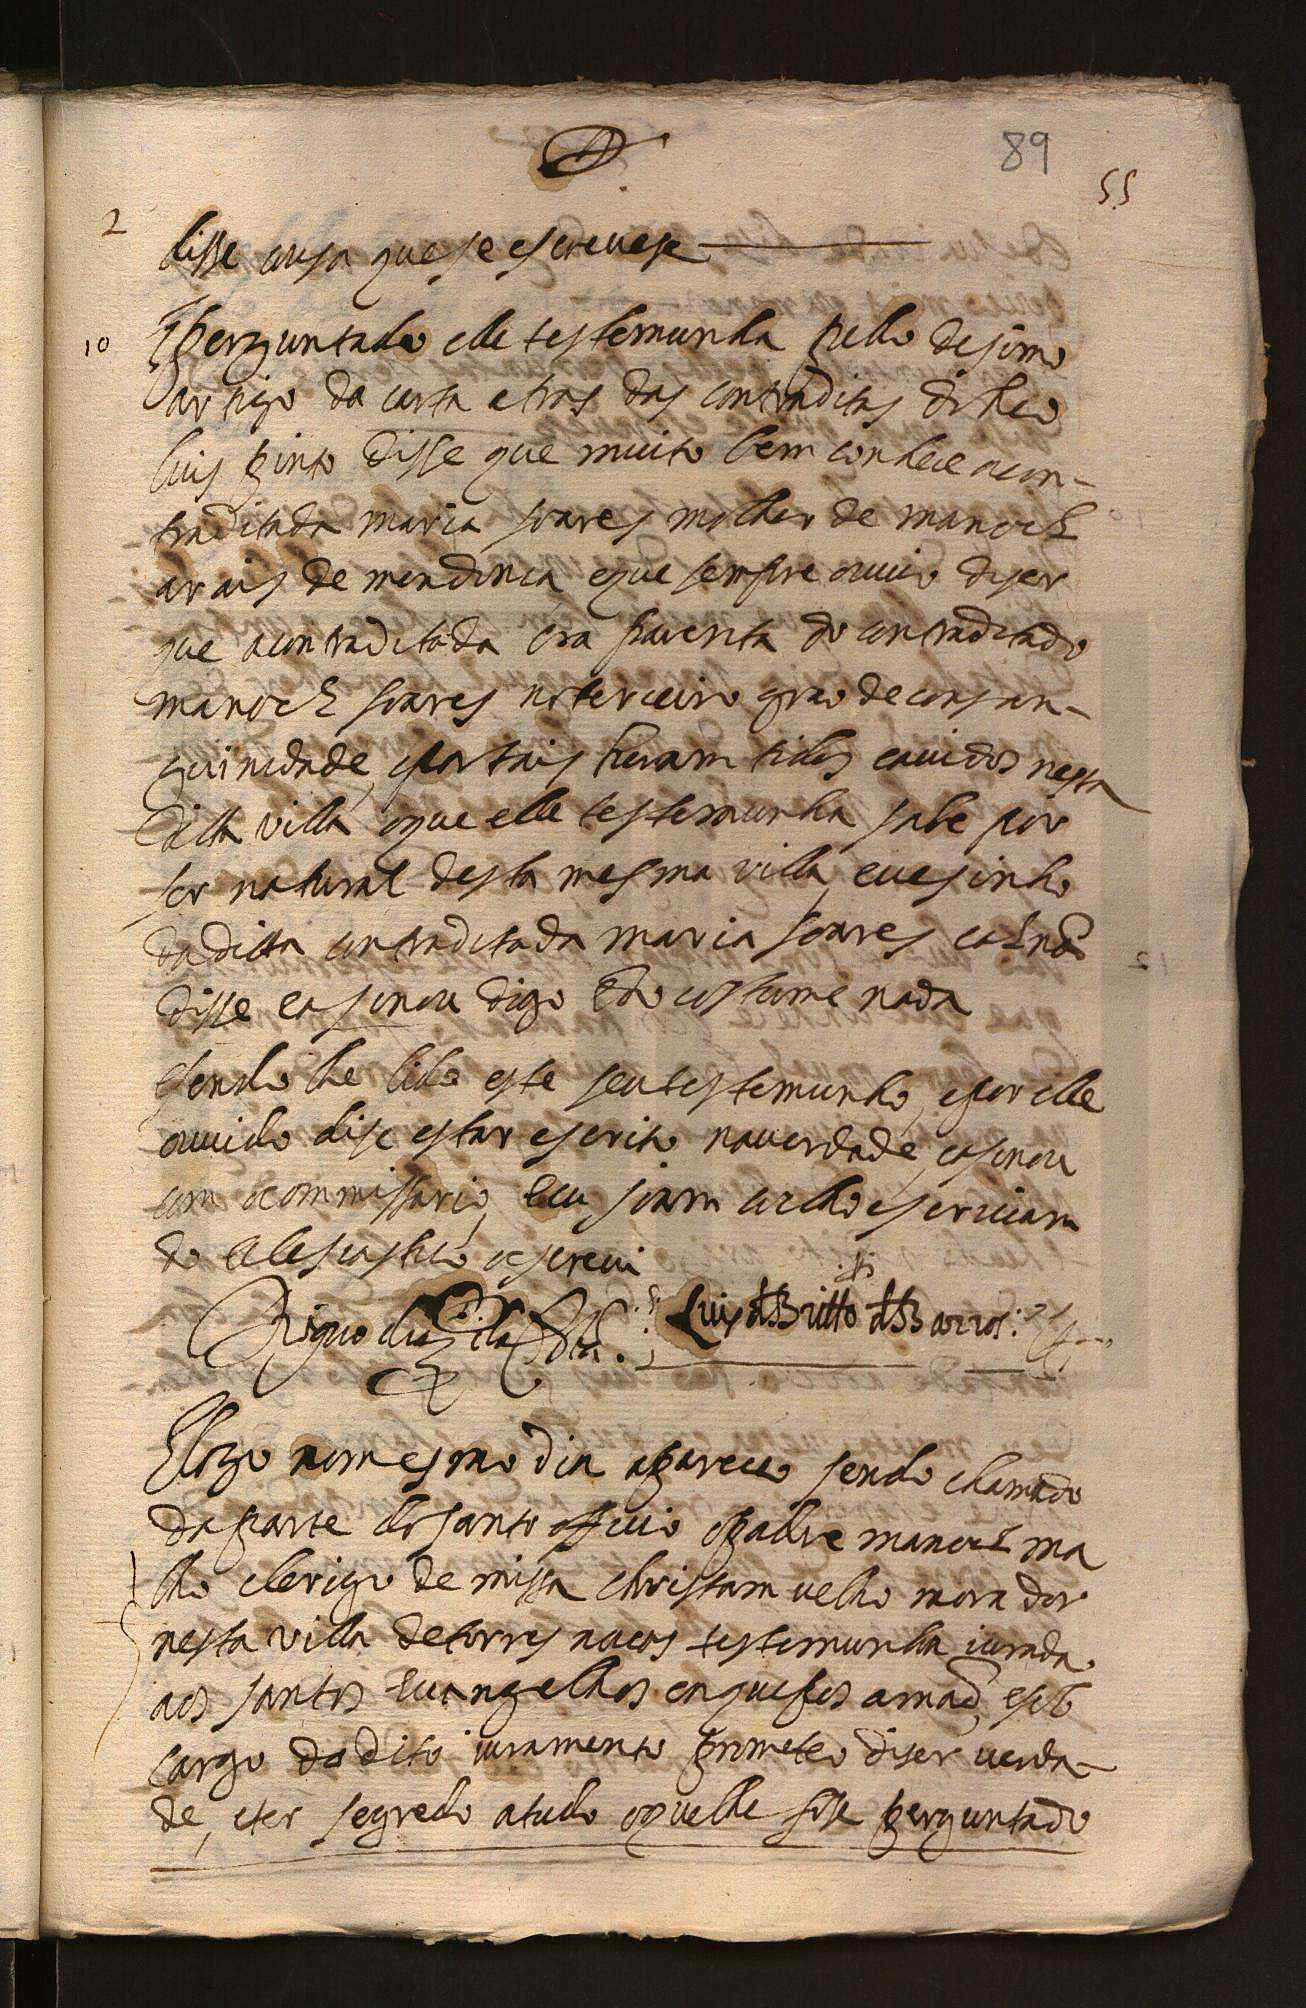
2
10
disse cousa que se escreuese
E perguntado elle testemunha pello desimo
artigo da carta atras das contraditas do Reo
luis pinto disse que muito bem conhece a con
traditada maria soares molher de manoel
arais de mendonça e que sempre ouuio diser
que a contraditada era parenta do contraditado
manoel soares no terceiro grao de consan
guinidade e por tais heram tidos e auidos nesta
ditta villa o que elle testemunha sabe por
ser natural desta mesma villa e uesinho
da ditta contraditada maria soares e al não
disse e asinou digo e do costume nada
e sendo lhe lido este seu testemunho, e por elle
ouuido dise estar escrito na uerdade, e asinou
com o commissario, e eu joam coelho escriuam
do eclesiastico o escreui
Luis d̄ Britto d̄ Barros
Dioguo diaz da Costa
E logo no mesmo dia apareceo sendo chamado
da parte do santo officio o padre manoel ma
lho clerigo de missa christam uelho morador
nesta villa de torres nouas testemunha iurada
aos santos Euangelhos en que pos a mão, e sob
cargo do dito iuramento prometeo diser uerda
de, e ter segredo a tudo o que lhe fose perguntado
